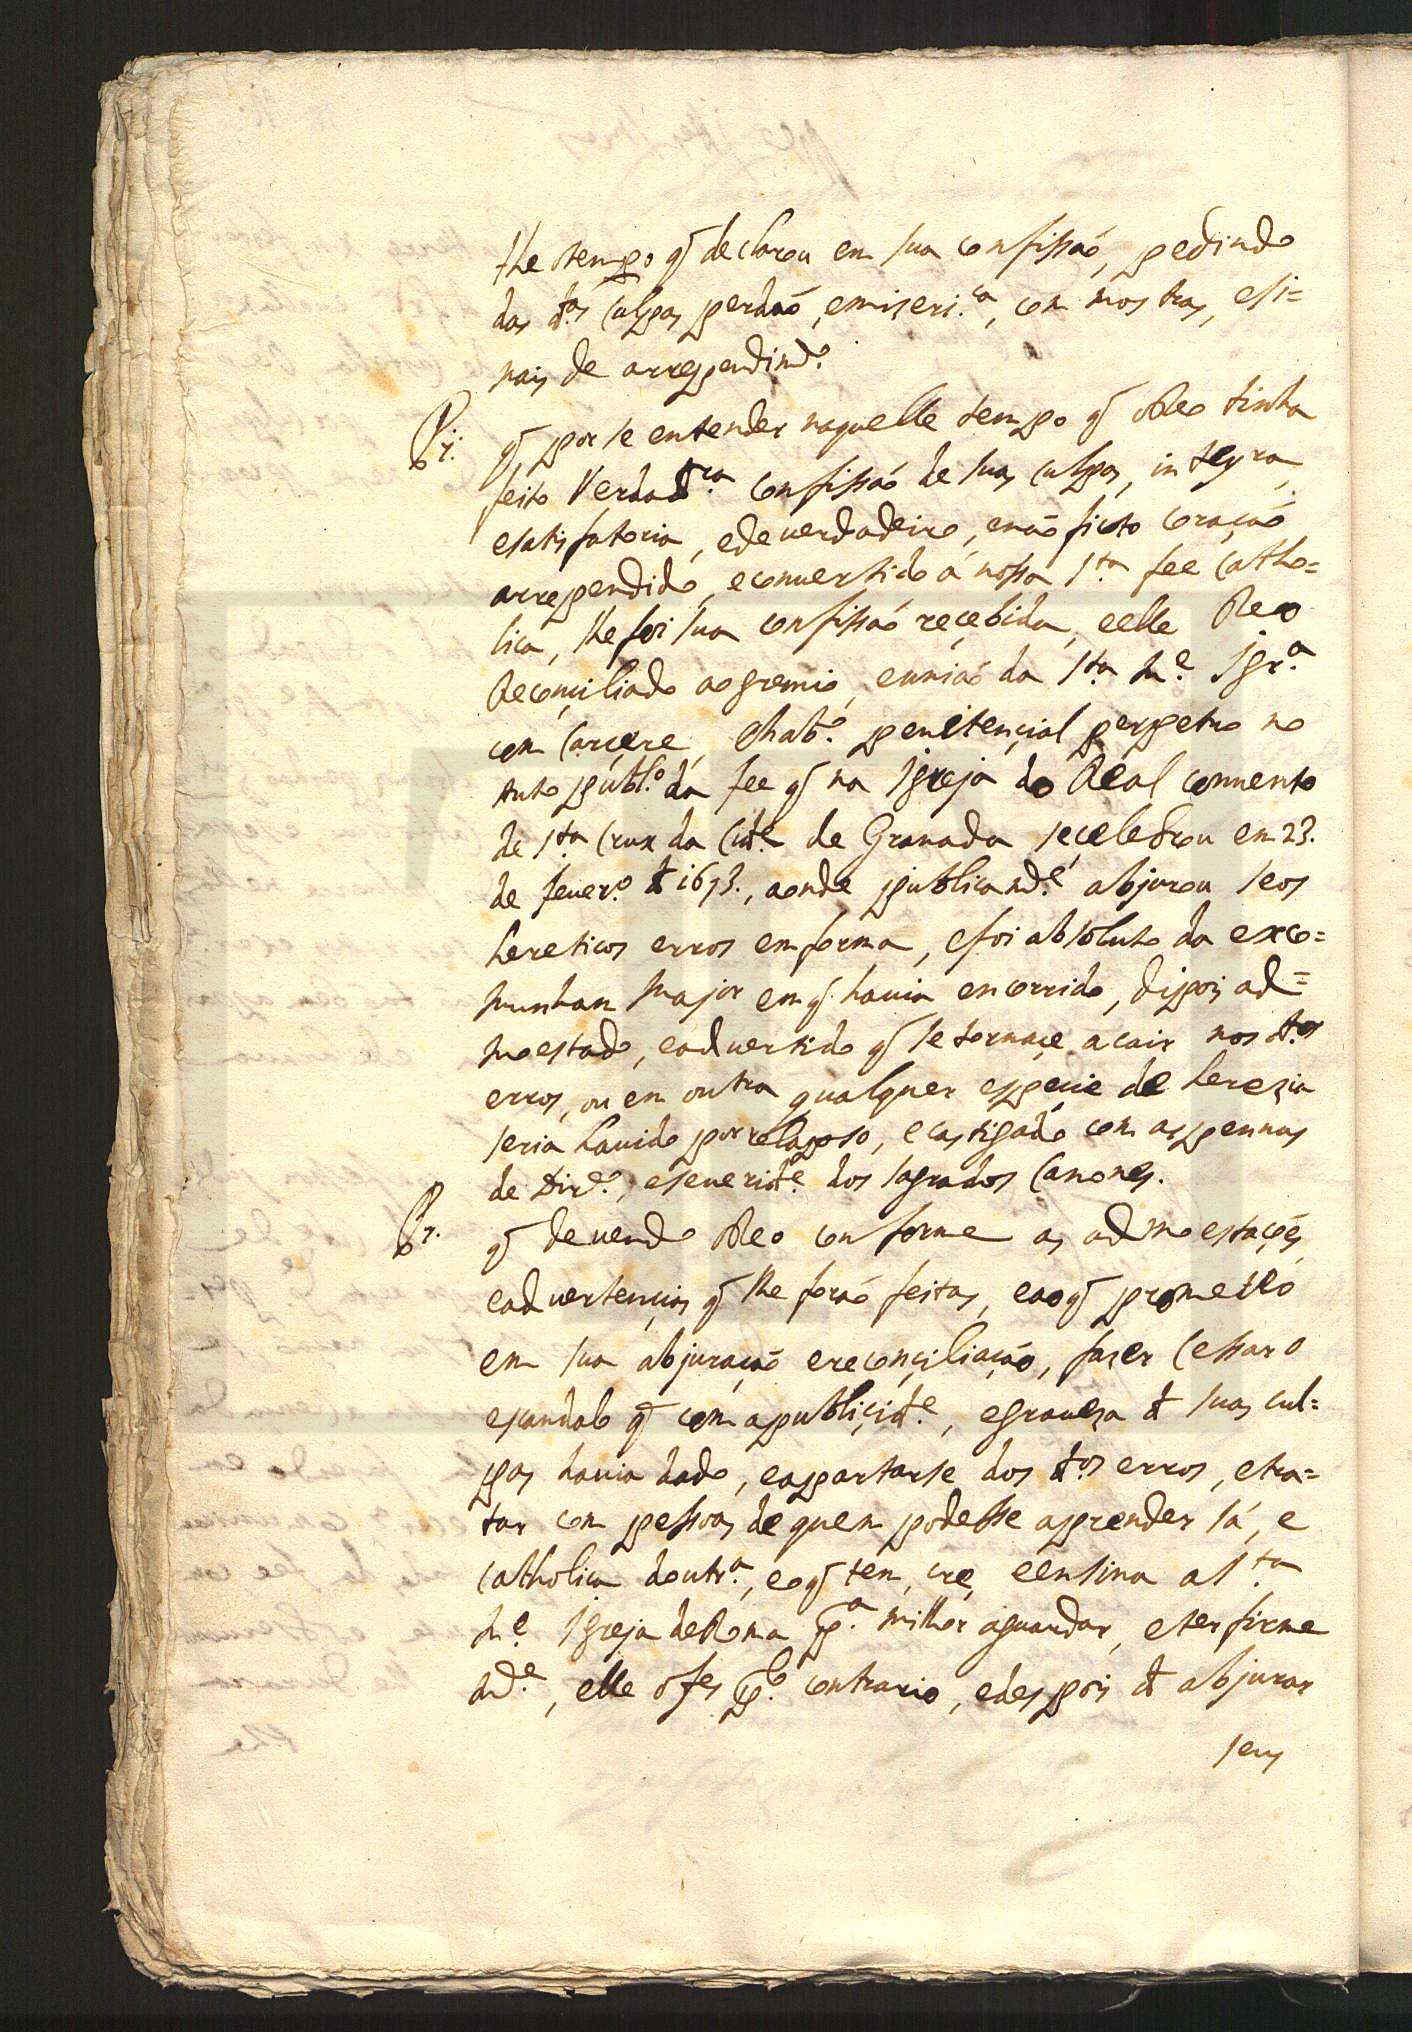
the o tempo q̄ declarou em sua confissaõ, pedindo
das d̄.as Culpas perdaõ, e mizeri.ca, com mostras, e si
nais de arrependimto.
Pr: q̄ por se entender naquelle tempo q̄ o Reo tinha
feito Verdad̄.ra confissaõ de suas culpas, inteyra
e satisfatoria, e de uerdadeiro, e naõ ficto coraçaõ
arrependido, e conuertido á nossa Sta. fee catho
lica, lhe foi sua confissaõ reçebida, e elle Reo
Reconçiliado ao gremio, e uniaõ da Sta. M.e Igr.a
com Carçere, e hab̄o. penitençial perpetuo no
Auto publ.o da fee q̄ na Igreja do Real conuento
de Sta. Crux da Cid̄.e de Granada se çelebrou em 23.
de feuer.o d̄ i673., aonde publicam.te abjurou seos
hereticos erros em forma, e foi absoluto da exco
munhan Major em q̄. hauia encorrido, dipoiz ad
moestado, e aduertido q̄ se tornaçe a cair nos d̄.os
erros, ou em outra qualquer espeçie de herezia
seria hauido por relapso, e castigado com as pennas
de Dir.to, e seuerid̄.e dos sagrados Canones.
Pr. q̄ deuendo o Reo conforme as admoestaçoẽs,
e aduertençias q̄ lhe foraõ feitas, e ao q̄ prometeo
em sua abjuraçaõ e reconçiliaçaõ, fazer Cessar o
escandalo q̄ com a publiçid̄.e, e graueza d̄ suas cul
pas hauia dado, e apartarse dos d̄.os erros, e tra
tar com pessoas de quem podesse aprender sā, e
catholica doutr.a, e o q̄ tem, cre, e ensina a Sta.
Me. Igreja de Roma p.a milhor aguardar, e ter firme
tu.de, elle o fes p.lo contrario, e despois d̄ abjurar
seus
